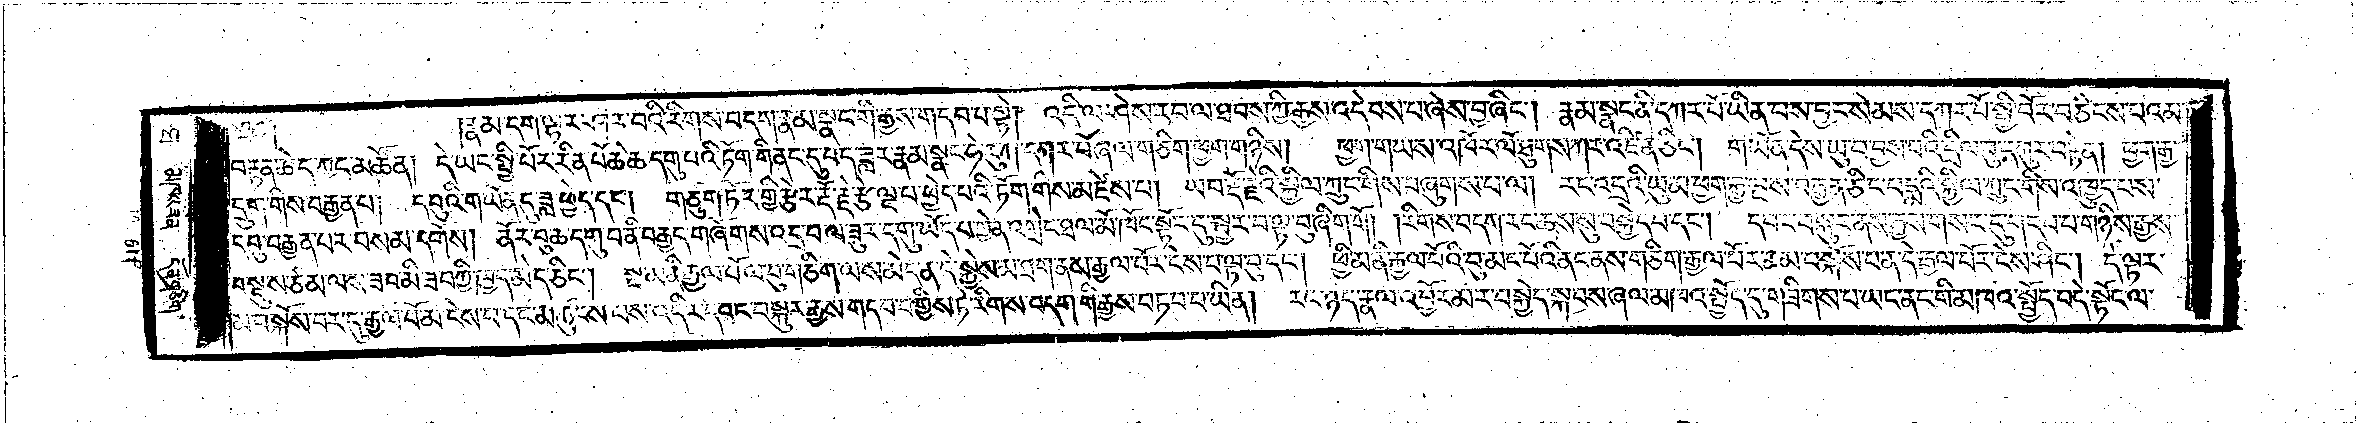༄༅། །རྣམ་དག་ལྷར་ཤར་བའི་རིགས་བདག་རྣམ་སྣང་གི་རྒྱས་གདབ་པ་སྟེ། འདི་ལ་ཤེས་རབ་ལ་ཐབས་ཀྱི་རྒྱས་འདེབས་པ་ཞེས་བྱ་ཞིང་། རྣམ་སྣང་ནི་དཀར་པོ་ཡིན་པས་བྱང་སེམས་དཀར་པོ་སྤྱི་བོར་བཅིངས་པའམ་
བརྟན་ཆེད་ཀྱང་མཚོན། དེ་ཡང་སྤྱི་བོར་རིན་པོ་ཆེ་ཆ་དགུ་པའི་ཏོག་གི་ནང་དུ་བད་ཟླར་རྣམ་སྣང་ཧེ་རུ་ཀ་དཀར་པོ་ཞལ་གཅིག་ཕྱག་གཉིས། ཕྱག་གཡས་འཁོར་ལོ་ཐུགས་ཀར་འཛིན་ཅིང་། གཡོན་དེས་ཡུ་བ་བྱས་པའི་དྲིལ་བུ་དཀུར་བརྟེན། ཕྱག་རྒྱ་
དྲུག་གིས་བརྒྱན་པ། དབུའི་གཡོན་དུ་ཟླ་ཕྱེད་དང་། གཙུག་ཏོར་གྱི་རྩེར་རྡོ་རྗེ་རྩེ་ལྔ་པ་ཕྱེད་པའི་ཏོག་གིས་མཛེས་པ། ཡབ་རྡོ་རྗེའི་སྐྱིལ་ཀྲུང་གིས་བཞུགས་པ་ལ། རང་འདྲའི་ཡུམ་ཕྱག་རྒྱ་ལྔས་བརྒྱན་ཅིང་པདམའི་སྐྱིལ་ཀྲུང་གིས་འཁྱུད་པས་
དབུ་བརྒྱན་པར་བསམ་དགོས། ནོར་བུ་ཆ་དགུ་པ་ནི་བརྒྱད་གཞོགས་འདྲ་བ་ལ་ཟུར་དགུ་ཡོད་པ་གྱེན་འགྲེང་ཐལ་མོ་ཁོང་སྟོང་དུ་སྦྱར་བ་ལྟ་བུ་ཞིག་གོ། །རིགས་བདག་རང་ཆས་སུ་བསྐྱེད་པ་དང་། དབང་བསྐུར་ནས་རྒྱས་གསར་དུ་གདབ་པ་གཉིས་རྒྱས་
བསྡུས་ཙམ་ལས་ཟབ་མི་ཟབ་ཀྱི་ཁྱད་མེད་ཅིང་། སྔ་མ་ནི་རྒྱལ་པོ་ལ་བུ་གཅིག་ལས་མེད་ན་དེ་སྐྱེས་མ་ཐག་ནས་རྒྱལ་པོར་ངེས་པ་ལྟ་བུ་དང་། ཕྱི་མ་ནི་རྒྱལ་པོའི་བུ་མང་པོའི་ནང་ནས་གཅིག་རྒྱལ་པོར་ནམ་བསྐོས་པ་ན་དེ་རྒྱལ་པོར་ངེས་ཤིང་། དེ་ལྟར་
མ་བསྐོས་བར་དུ་རྒྱལ་པོ་མ་ངེས་པ་དང་མཚུངས་པས་འདིར་དབང་བསྐུར་རྒྱས་གདབ་བགྱིས་ཏེ་རིགས་བདག་གི་རྒྱས་བཏབ་པ་ཡིན། རང་ཉིད་རྣལ་འབྱོར་མར་བསྐྱེད་སྐབས་ཞལ་མཁའ་སྤྱོད་དུ་གཟིགས་པ་ཡང་ནང་གི་མཁའ་སྤྱོད་བདེ་སྟོང་ལ་